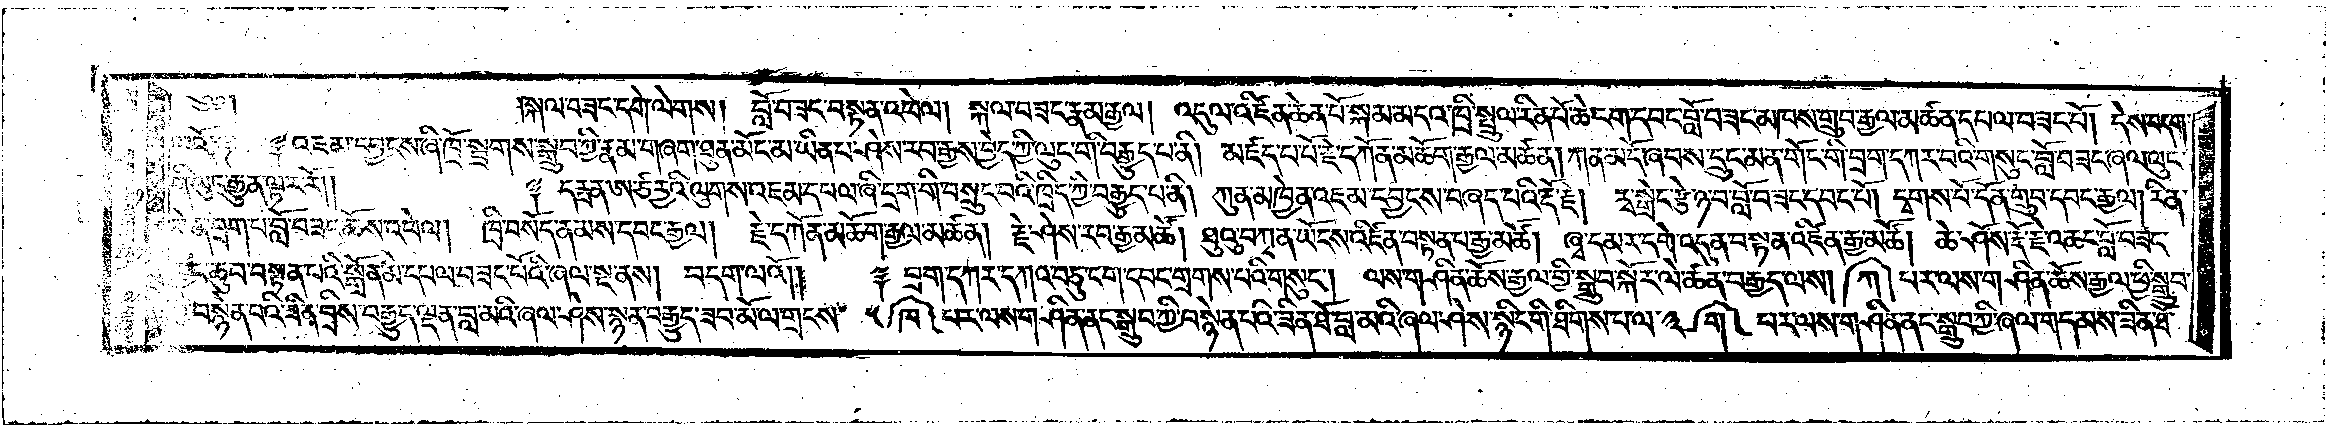༄༅། །སྐལ་བཟང་དགེ་ལེགས། བློ་བཟང་བསྟན་འཕེལ། སྐལ་བཟང་རྣམ་རྒྱལ། འདུལ་འཛིན་ཆེན་པོ་སྐམ་མདའ་ཁྲོ་སྤྲུལ་རིན་པོ་ཆེ་ངག་དབང་བློ་བཟང་མཁས་གྲུབ་རྒྱལ་མཚན་དཔལ་བཟང་པོ། དེས་བདག་
ལའོ༑༑ ༈ འཇམ་དབྱངས་ཞི་ཁྲོ་སྤྲགས་སྒྲུབ་ཀྱི་རྣམ་གཞག་ཐུན་མོང་མ་ཡིན་པ་ཤེས་རབ་རྒྱས་བྱེད་ཀྱི་ལུང་གི་བརྒྱུད་པ་ནི། མཛད་པ་པོ་རྗེ་དཀོན་མཆོག་རྒྱལ་མཚན། ཀན་མདོ་ཞབས་དྲུང་མན་གོང་གི་བྲག་དཀར་བའི་གསུང་བློ་བཟང་ཞལ་ལུང་
གི་ལུང་རྒྱུན་ལྟར་རོ།། ༈ དརྤན་ཨ་ཙརྱའི་ལུགས་འཇམ་དཔལ་ཞི་དྲག་གི་བསྲུང་བའི་ཁྲིད་ཀྱི་བརྒྱུད་པ་ནི། ཀུན་མཁྱེན་འཇམ་དབྱངས་བཞད་པའི་རྡོ་རྗེ། རྭ་སྒྲེང་རྩེ་ཉ་བ་བློ་བཟང་དབང་པོ། དྭགས་པོ་དོན་གྲུབ་དབང་རྒྱལ། རིན་
ཆེན་བྲག་པ་བློ་བཟང་ཆོས་འཕེལ། ཁྲི་བསོད་ནམས་དབང་རྒྱལ། རྗེ་དཀོན་མཆོག་རྒྱལ་མཚན། རྗེ་ཤེས་རབ་རྒྱ་མཚོ། ཐུའུ་བཀྭན་ཡོངས་འཛིན་བསྟན་པ་རྒྱ་མཚོ། ཞྭ་དམར་དགེ་འདུན་བསྟན་འཛིན་རྒྱ་མཚོ། ཆེ་ཤོས་རྡོ་རྗེ་འཆང་བློ་བཟང་
བྱང་ཆུབ་བསྟན་པའི་སྒྲོན་མེད་དཔལ་བཟང་པོའི་ཞལ་སྔ་ནས། བདག་ལའོ།། ༈ བྲག་དཀར་དཀའ་བཅུ་ངག་དབང་གྲགས་པའི་གསུང་། ལས་གཤིན་ཆོས་རྒྱལ་གྱི་སྒྲུབ་སྐོར་ལེ་ཚན་བརྒྱད་ལས། ༼ཀ༽ པར་ལས་གཤིན་ཆོས་རྒྱལ་ཕྱི་སྒྲུབ་
ཀྱི་བསྙེན་པའི་ཟིན་བྲིས་བརྒྱུད་ལྡན་བླ་མའི་ཞལ་ཤེས་སྙན་བརྒྱུད་ཟབ་མོ་ལ་གྲངས ༥ ༼ཁ༽ པར་ལས་གཤིན་ནང་སྒྲུབ་ཀྱི་བསྙེན་པའི་ཟིན་ཐོ་བླ་མའི་ཞལ་ཤེས་སྙིང་གི་ཐིགས་པ་ལ ༣ ༼ག༽ པར་ལས་གཤིན་ནང་སྒྲུབ་ཀྱི་ཞལ་གདམས་ཟིན་ཐོ་